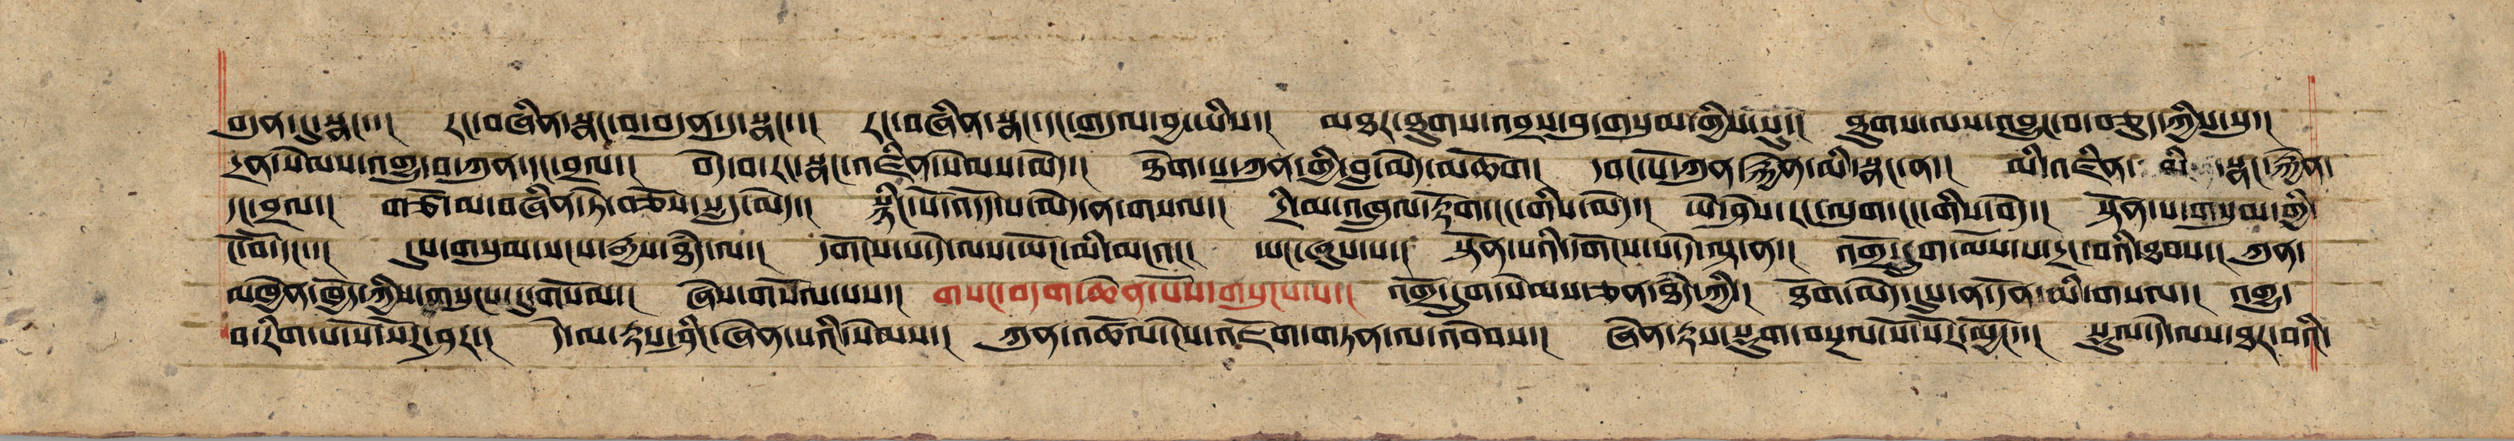བདུན་དུ་སྣང་་། རང་བཞིན་སྣང་བ་བདུན་དུ་སྣང་་། རང་བཞིན་སྣང་དང་གདུལ་བྱ་ཡིས་། མཐར་ཐུགས་འབྲས་བུ་གསུམ་གྱིས་སུ་། ཐུགས་ལས་འབྱུང་བ་བཅུད་ཀྱིས་བུ་།
དྲན་སེམས་འགྱུ་བ་ཀུན་དང་བྲལ་། བདེ་བ་རང་སྣང་འཛིན་སེམས་མེད་། ཐེག་པ་ཀུན་གྱི་བླ་མེད་མཆོག། དབང་པོ་ཀུན་རྐྱེན་མི་སྣང་ན་། མི་འཛིན་ མི་ སྣང་རྐྱེན་
དང་བྲལ་། གཙོ་མ་བཞིན་ཏེ་བཅོས་སླད་མེད་། སྙིང་པོ་འདོད་པ་མེད་ན་གསལ་། དྲི་མ་འཁྲུལ་རྟོག་ངང་གིས་མེད་། ཡེ་ཤེས་རང་ལུག་ངང་གིས་བདེ་། སྟོན་པ་གསུམ་གྱི་
ངོ་བོ་དང་་། དུས་གསུམ་སངས་རྒྱས་ཐཾད་ལ་། དགོངས་པ་དེ་ལས་ཡོང་མི་མངའ།།། ཡང་ཞུས་པ་། སྟོན་པའི་དགོངས་པ་དེ་ལྟ་ན་། འགྲོ་དྲུག་མོས་པ་དྲང་བའི་ཐབས་། ཀུན་
མཁྱེན་ཁྱོད་ཀྱིས་གསུངས་དུ་གསོལ་། ཞེས་གསོལ་པས་། གསང་བདག་ཆེན་པོས་གསུངས་པ་། འགྲོ་དྲུག་སེམས་ཅན་ཐཾད་ཀྱི་། ཐོག་མེད་དུས་ན་དོན་མི་གསལ་། འགྱུ་
བ་རིག་པ་སོ་སོར་ཤར་། དེ་ལ་རྟས་ཤིང་ཞེན་པའི་སེམས་། ཀུན་འཚོལ་ངེས་འཇོག་གཏན་ལ་འབེབས་། ཞེན་རྟས་སྡུག་བསྔལ་སོ་སོར་མྱོང་་། སྡུལ་དེ་ལས་ཐར་བའི་